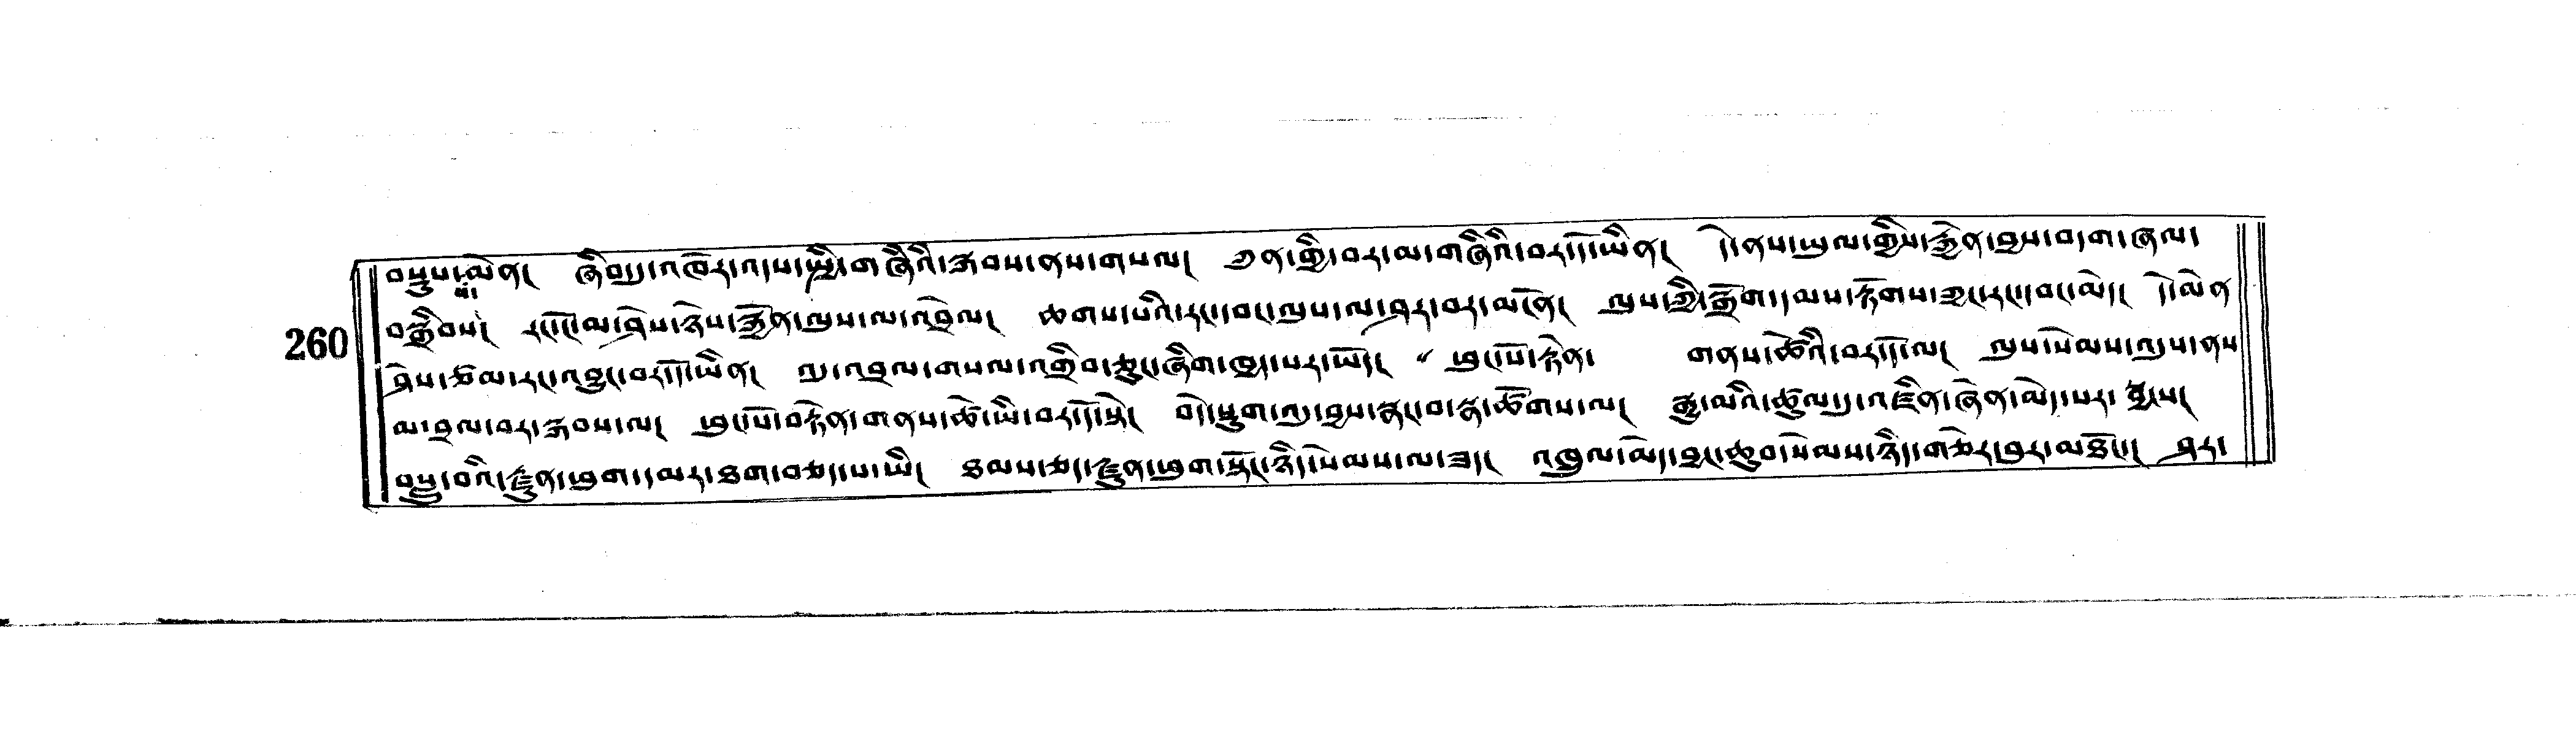བསྡུས་པ་མེན། ཞིབ་ཏུ་འཁོར་འདས་སྤྱི་གཞིའི་སྐབས་ནས་གསལ། ཀུན་གྱི་བར་མ་གཞི་ཡི་བར་དོ་ཡིན། དེ་ནས་ཡུལ་གྱིས་རྐྱེན་བྱས་བདག་ཞལ་
བསྒྲིབས། རང་ངོ་མ་ཤེས་གཞན་སྐྱོན་ལུས་ལ་འབྲེལ། ཆགས་པའི་རང་དབང་ལུས་ལ་ཤར་བར་མངོན། ལུས་ཀྱི་སྒྲོགས་དམས་རྟོགས་ཀྱང་རང་དབང་མེད། དེ་མེན་
ཤེས་ཙམ་རང་འབྱུང་བར་དོ་ཡིན། འདུ་འབྲལ་གསལ་འགྲིབ་ཅུང་ཞིག་ཁྱད་པར་ཡོད། ༧ ཕུང་པོ་རྟེན་གནས་ཚེ་ཡི་བར་དོ་ལ། ལུས་སེམས་འདུས་ནས་
མ་འབྲལ་བར་སྐབས་ལ། ཕུང་པོ་རྟེན་གནས་ཚེ་ཡི་བར་དོ་སྟེ། བདེ་སྡུག་འདུ་བྱས་སྣང་བ་སྣ་ཚོགས་ལ། སྒྱུ་མའི་ཚུལ་དུ་འཛིན་ཞེན་མེད་པར་སྦྱངས། 
བསླུ་བའི་རྫུན་ཕུག་དམར་ཐག་བཅད་པ་ཡི། ཐམས་ཅད་རྫུན་ཕུག་སྟོང་ཉིད་སེམས་ལ་ཟད། འཁྲུལ་མེད་བྱང་ཆུབ་སེམས་ཉིད་གཅེར་བུར་མཐོང་། ཤར་